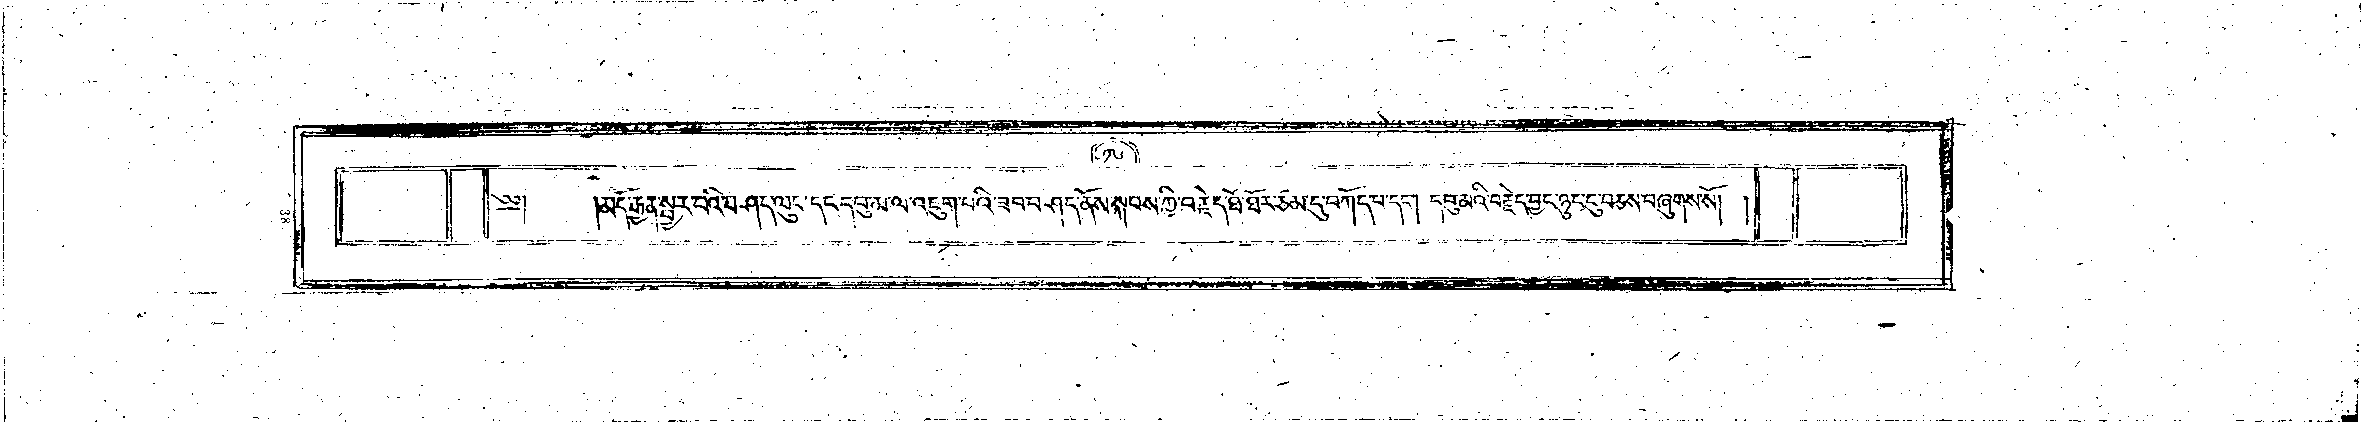༄༅། །མདོ་རྒྱན་སྦྱར་བའི་བཤད་ལུང་དང་དབུ་མ་ལ་འཇུག་པའི་ཟབ་བཤད་ནོས་སྐབས་ཀྱི་བརྗེད་ཐོ་ཐོར་ཙམ་དུ་བཀོད་པ་དང་། དབུ་མའི་བརྗེད་བྱང་ཉུང་ངུ་བཅས་བཞུགས་སོ། །